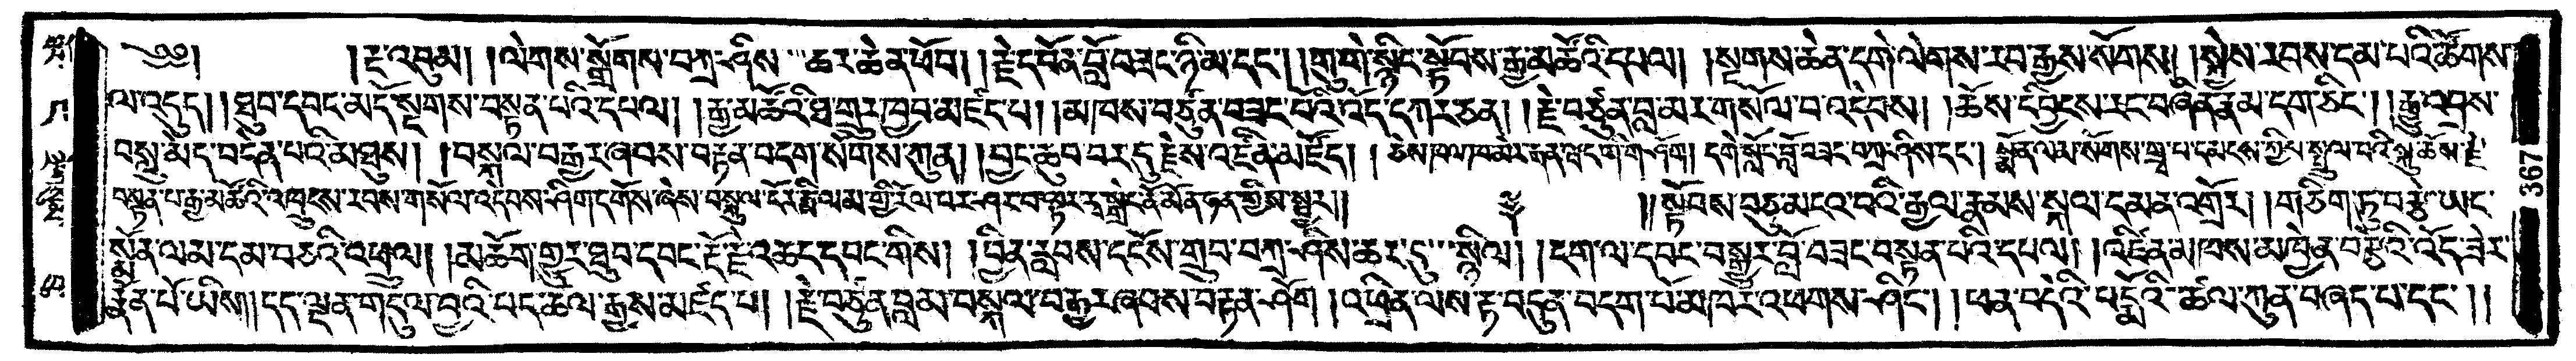༄༅། །རྔ་འབུམ། །ལེགས་སྒྲོགས་བཀྲ་ཤིས་ཆར་ཆེན་ཕོབ། །རྗེ་དཔོན་བློ་བཟང་ཉི་མ་དང་། །གུ་གེ་སྙིང་སྟོབས་རྒྱ་མཚོའི་དཔལ། །སྔགས་ཆེན་དགེ་ལེགས་རབ་རྒྱས་སོགས། །སྐྱེས་རབས་དམ་པའི་ཚོགས་
ལ་འདུད། །ཐུབ་དབང་མདོ་སྔགས་བསྟན་པའི་དཔལ། །རྒྱ་མཚོའི་ཐ་གྲུར་ཁྱབ་མཛད་པ། །མཁས་བཙུན་བཟང་པོའི་འོད་དཀར་ཅན། །རྗེ་བཙུན་བླ་མར་གསོལ་བ་འདེབས། །ཆོས་དབྱིངས་རང་བཞིན་རྣམ་དག་ཅིང་། །རྒྱུ་འབྲས་
བསླུ་མེད་བདེན་པའི་མཐུས། །བསྐལ་བརྒྱར་ཞབས་བརྟན་བདག་སོགས་ཀུན། །བྱང་ཆུབ་བར་དུ་རྗེས་འཛིན་མཛོད། །ཅེས་ཁལ་ཁ་མེར་རྒན་ཝང་གི་གཤོག །དགེ་སློང་བློ་བཟང་བཀྲ་ཤིས་དང་། སྨོན་ལམ་སོགས་གྲྭ་པ་དམངས་ཀྱིས་སྤྲུལ་པའི་སྐུ་ཆོས་རྗེ་
བསྟན་པ་རྒྱ་མཚོའི་འཁྲུངས་རབས་གསོལ་འདེབས་ཤིག་དགོས་ཞེས་བསྐུལ་ངོར་རྨི་ལམ་གྱི་རོལ་པར་ཤར་བ་ལྟར་རྭ་སྒྲེང་ནོ་མོན་ཧན་གྱིས་སྦྱར།། ༈ །།སྟོབས་བཅུ་མངའ་བའི་རྒྱལ་རྣམས་སྐལ་དམན་འགྲོར། །གཅིག་ཏུ་བརྩེ་ཡང་
སྨོན་ལམ་དམ་བཅའི་འཕྲུལ། །མཆོག་གྱུར་ཐུབ་དབང་རྡོ་རྗེ་འཆང་དབང་གིས། །བྱིན་རླབས་དངོས་གྲུབ་བཀྲ་ཤིས་ཆར་དུ་སྙིལ། །ངག་ལ་དབང་བསྒྱུར་བློ་བཟང་བསྟན་པའི་དཔལ། །འཛིན་མཁས་མཁྱེན་བརྩེའི་འོད་ཟེར་
རྣོན་པོ་ཡིས། །དད་ལྡན་གདུལ་བྱའི་པད་ཚལ་རྒྱས་མཛད་པ། །རྗེ་བཙུན་བླ་མ་བསྐལ་བརྒྱར་ཞབས་བརྟན་ཤོག །འཕྲིན་ལས་རྟ་བདུན་བདག་པོ་མཁར་འཕགས་ཤིང་། །ཕན་བདེའི་པདམོའི་ཚལ་ཀུན་བཞད་པ་དང་། །